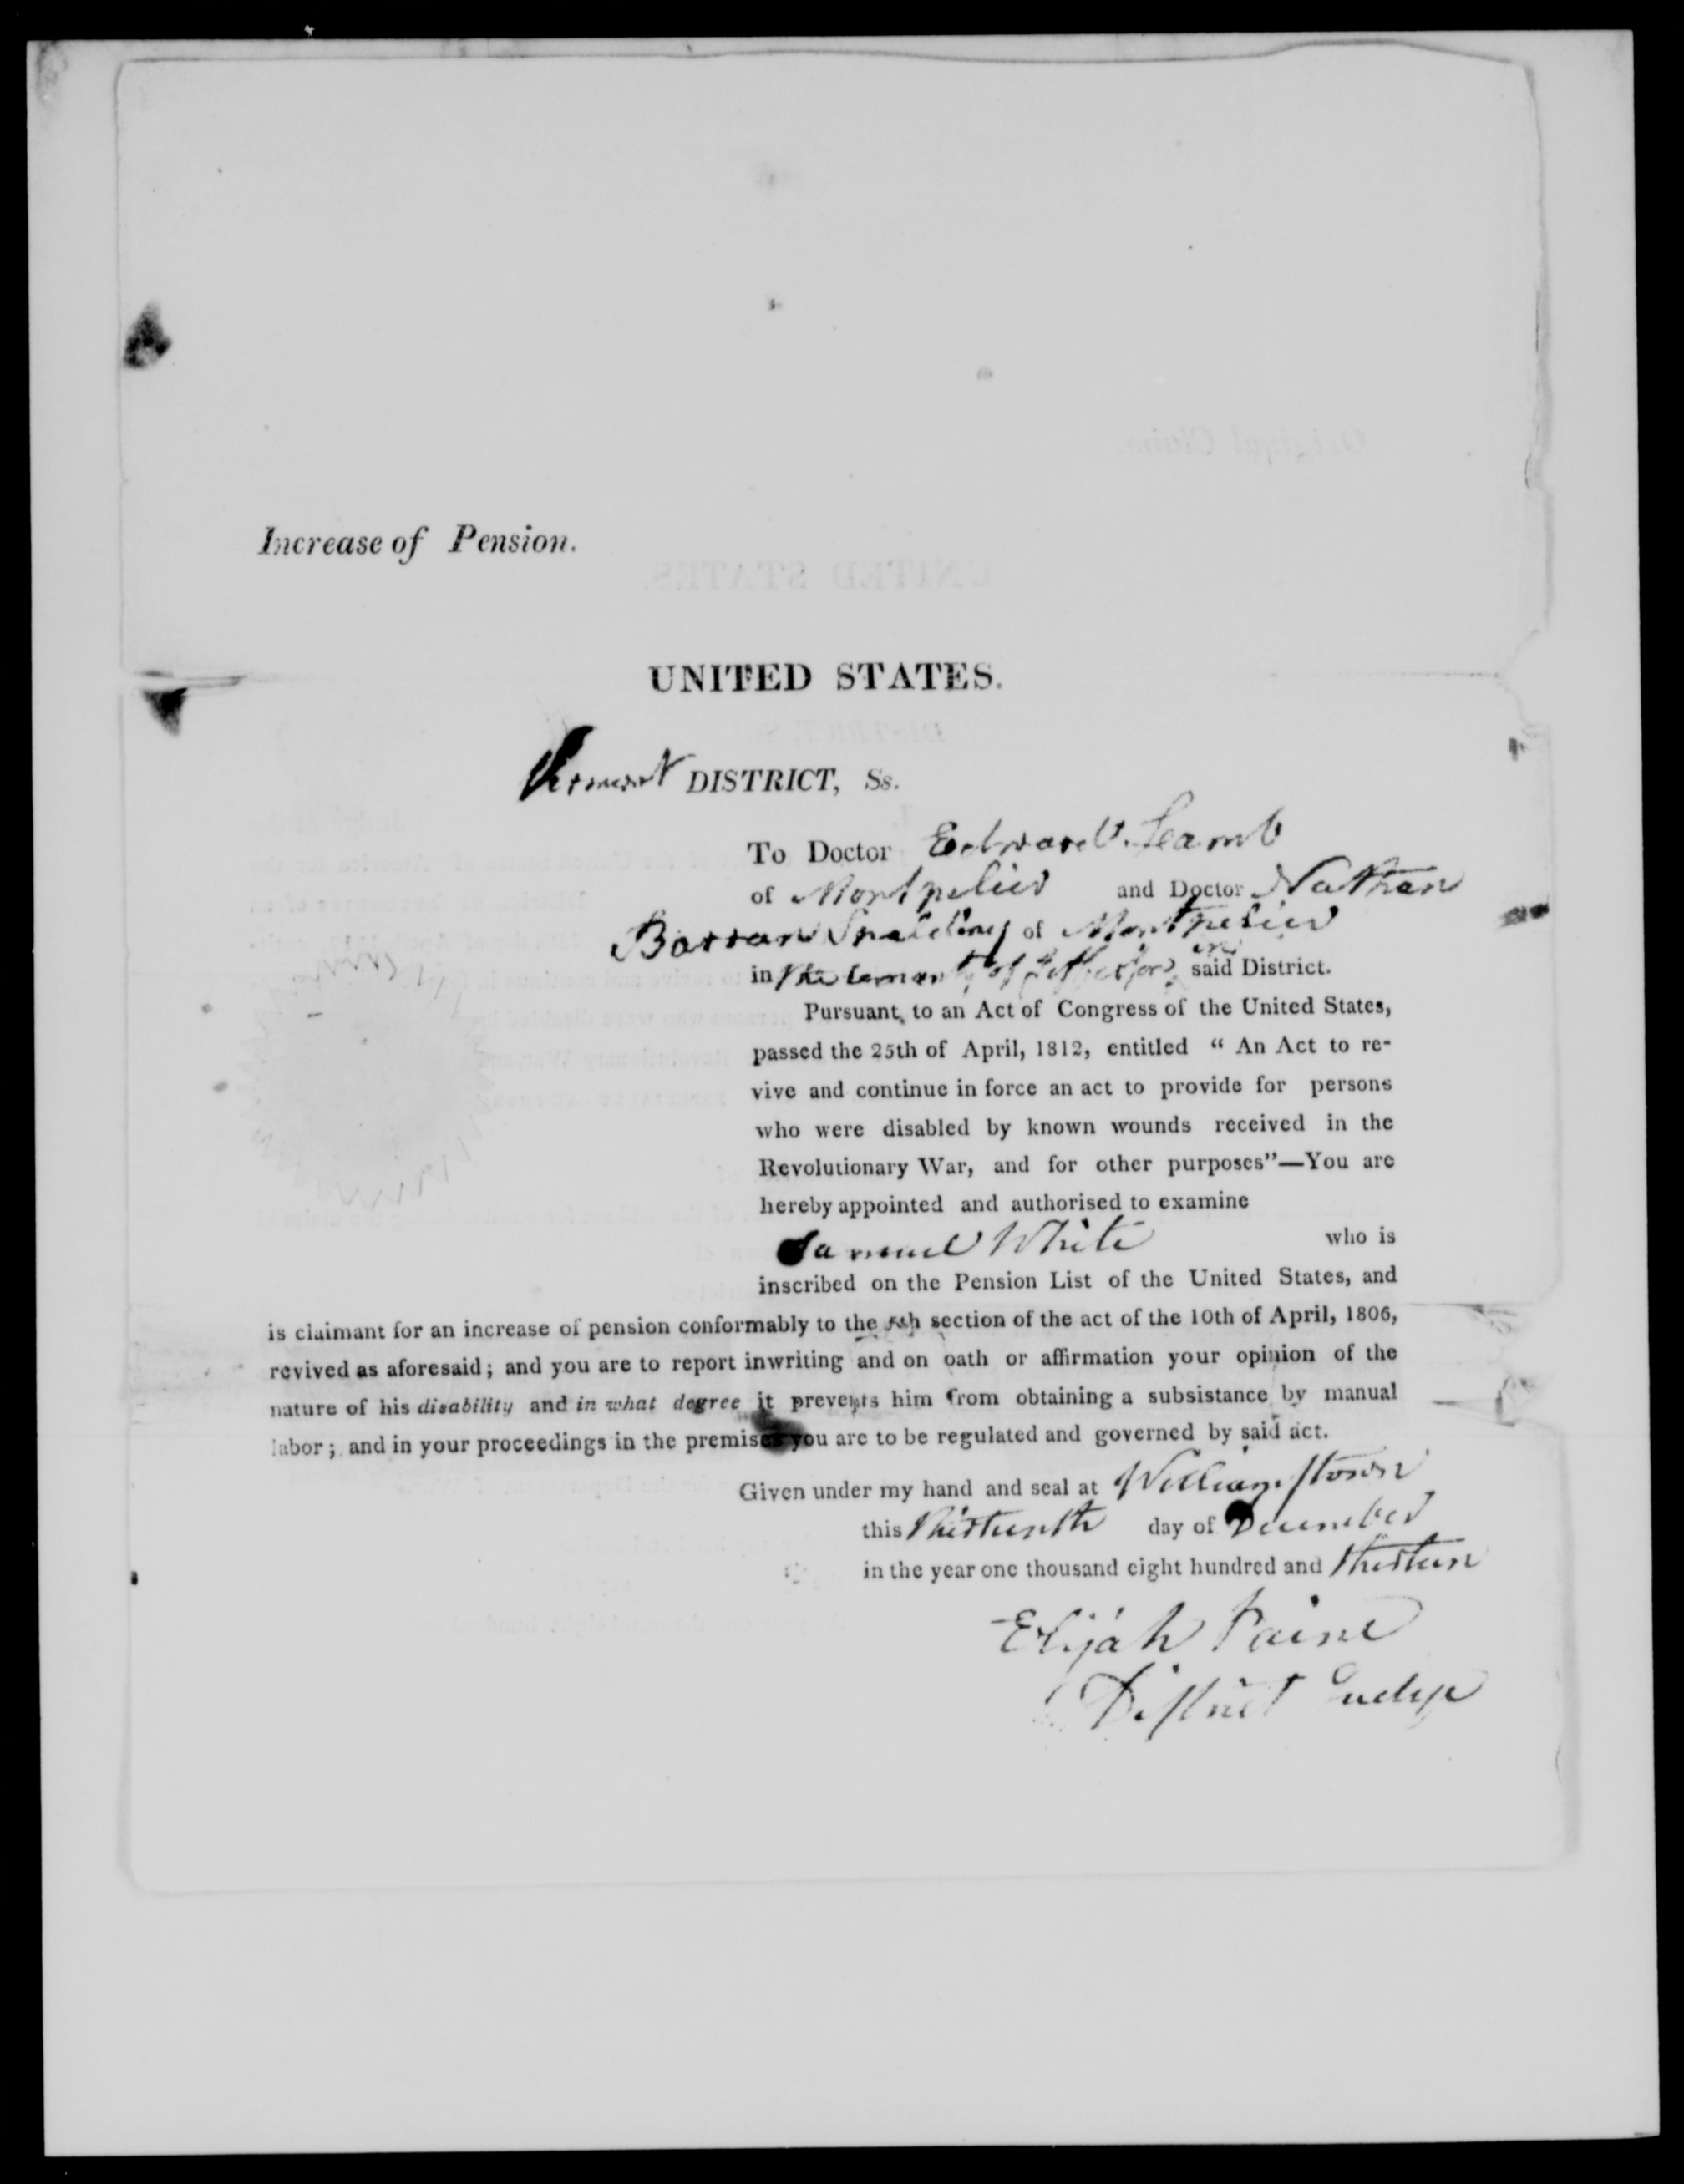Increase of Pension
UNITED STATES
Vermont District, Ss
To Doctor Edward Lamb of Montpelier and Doctor Nathan Barron Spalding of Montpelier in the County of (illegible) in said District.
Pursuant to an Act of Congress of the United States, passed the 25th of April, 1812, entitled "An Act to revive and continue in force an act to provide for persons who were disabled by known wounds received in the Revolutionay War, and for other purposes" You are hereby appointed and authorized to examine Samuel White who is inscribed on the Pension List of the United States, and is claimant for an increase in pension conformably to the section of the act of the 10th of April, 1806, revived as aforesaid; and you are to report inwriting and on oath or affirmation your opinion of the nature of his Disability and in what degree it prevents him from obtaining a subsistance by manual labor; and in your proceedings in the premises you are to be regulated and governed by said act.
Given under my hand and seal at Williamstown this thirteenth day of December in the year one thousand eight hundred and thirteen
Elijah Paine, District Judge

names: Edward Lamb, Elijah Paine, Nathan Barron, Samuel White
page: 34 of 79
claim: survivor's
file: S. 11759, Samuel White, Mass.